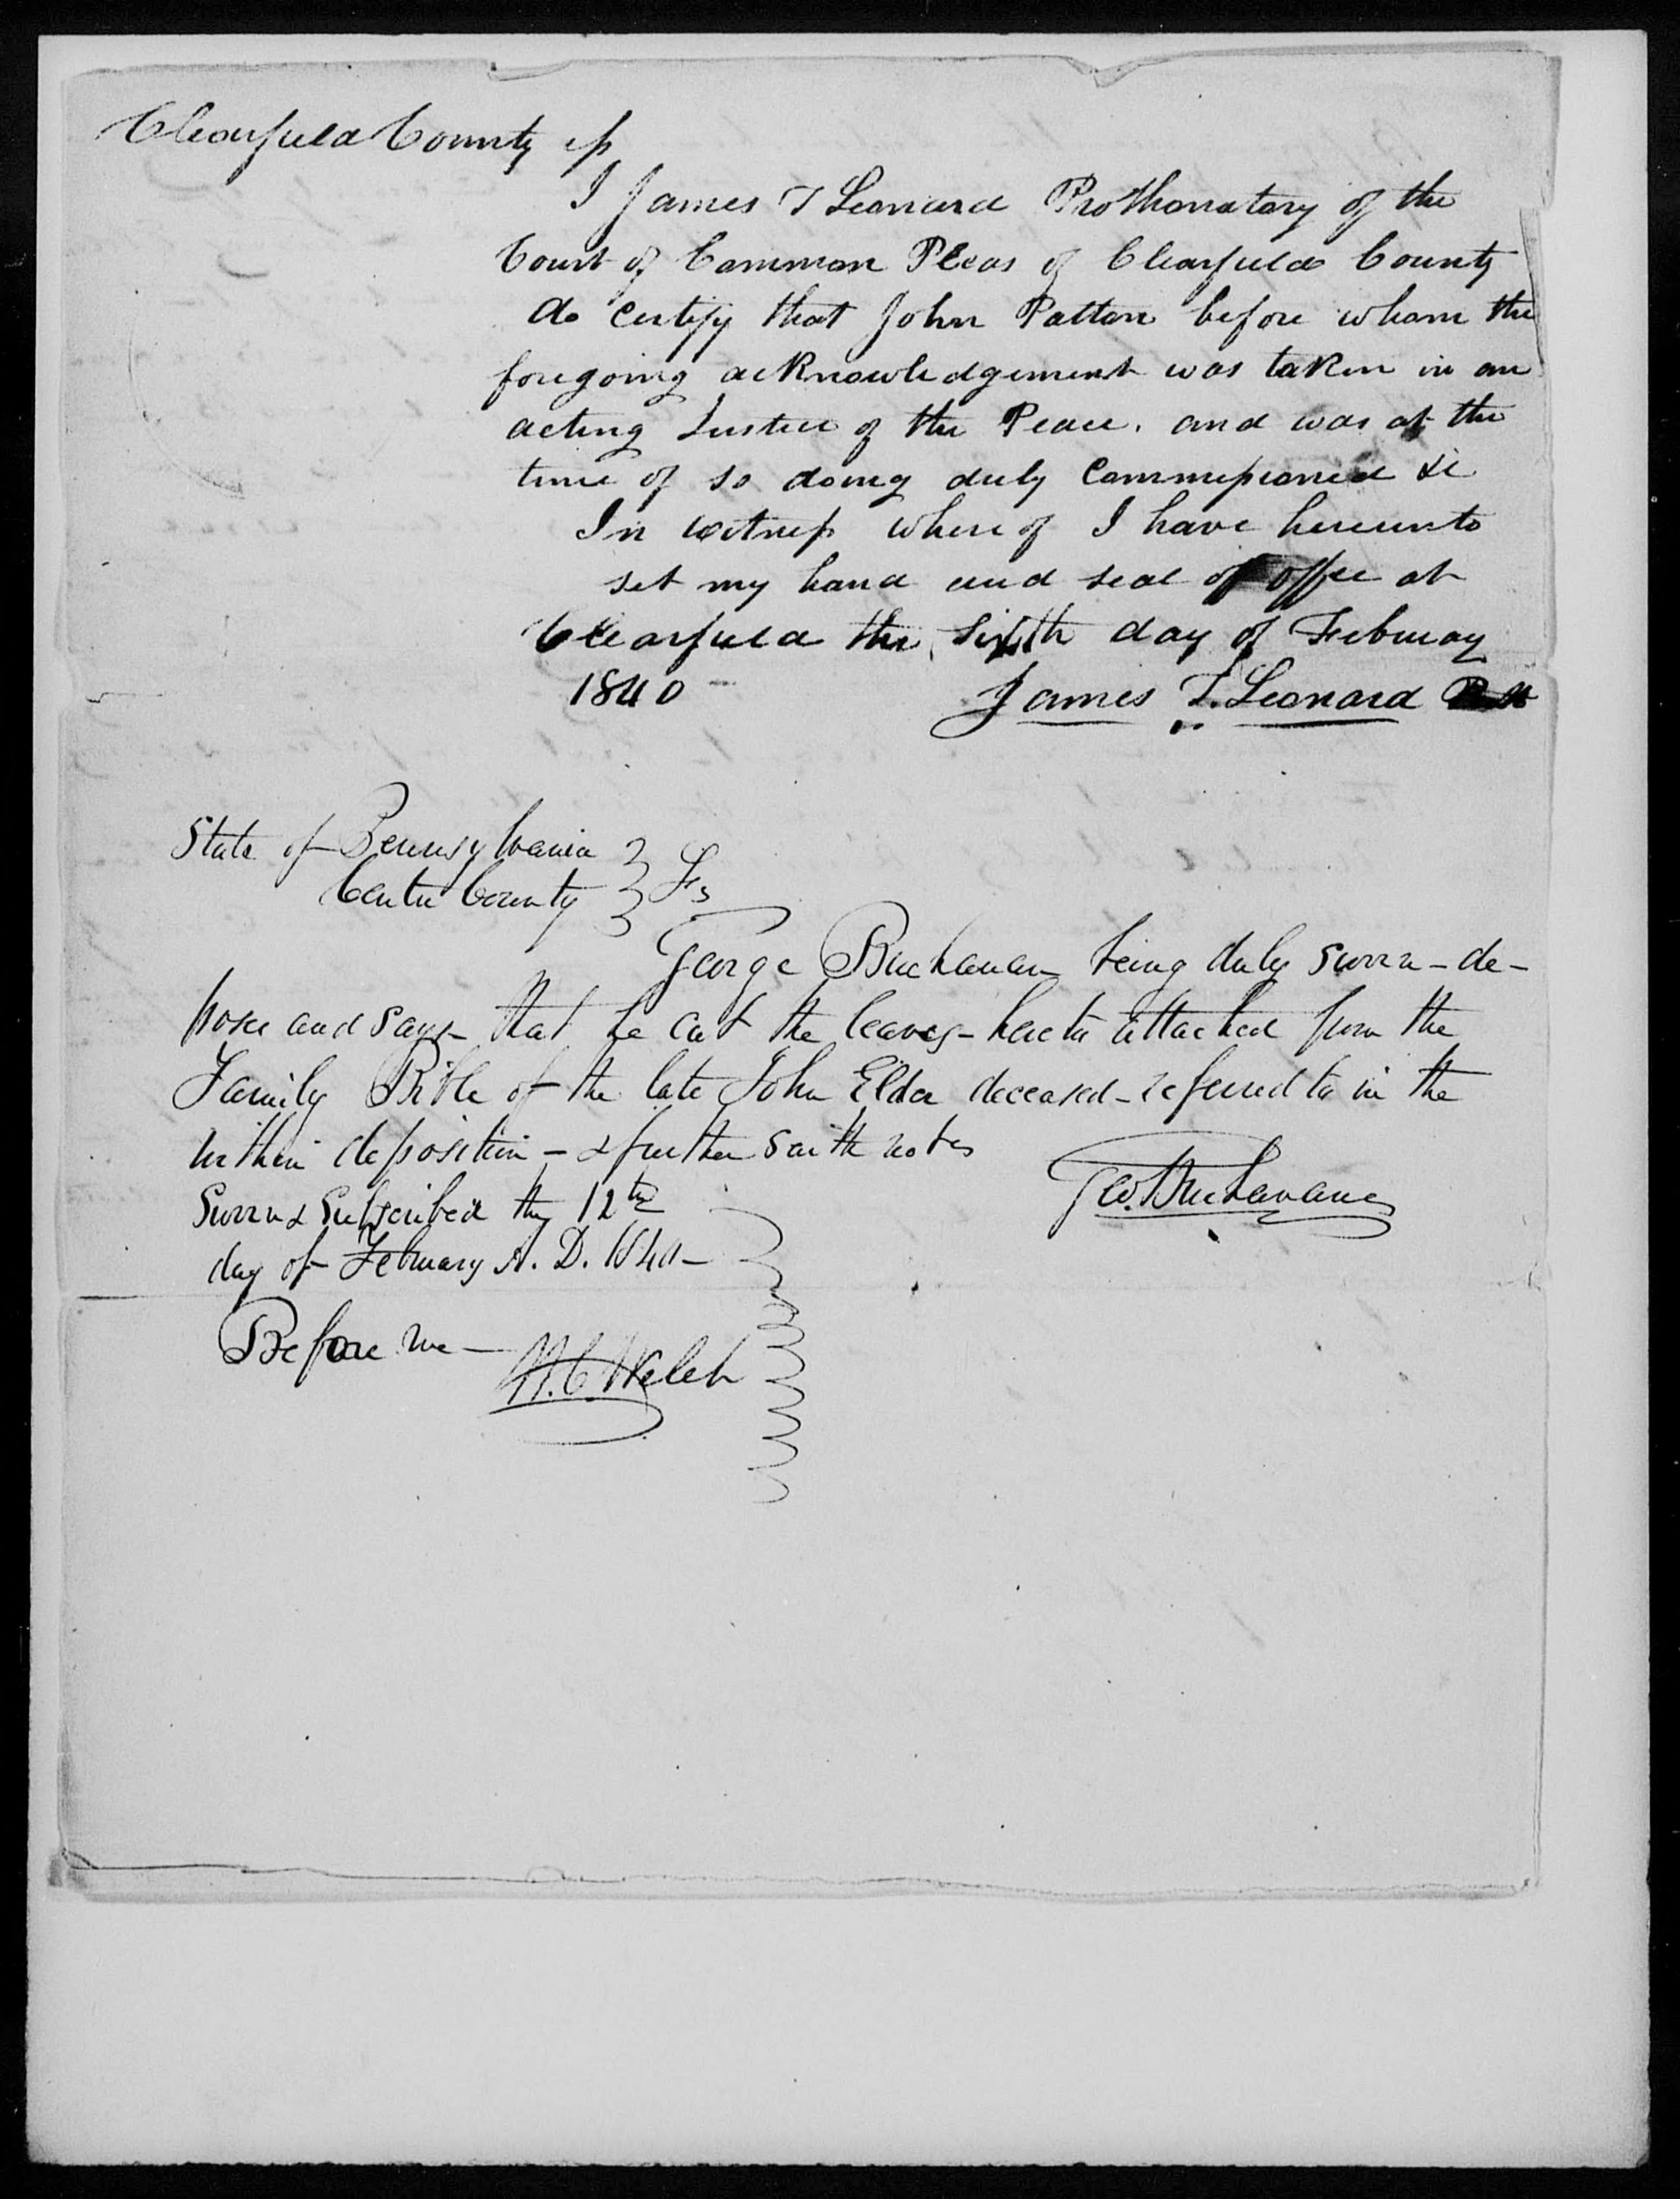Clearfield County up

I James T Leonard Prothonotary of the Court of Common Pleas of Clearfield County
do certify that John Patton before whom the
foregoing acknowledgement was taken in an 
acting Justice of the Peace, and was of the time of so doing duly Commisioned [illegible]
In witnes whereof I have hereunto
set my hand and seal of office at
Clearfield this sixth day of February
1840   James T. Leonard 

State of Pennsylvania
Centre County

George Buchanon being duly surra-de-
boke and says that he cut the leaves-[illegible] attached from the family Bible of the late John Elder deceased - referred to in the within deposition - & [illegible] the notes 
[illegible] subscribed the 12th day of February A. D. [illegible]  Geo. Buchanan
Before me - W. C Welch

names: John Elder, Geo Buchanane, James T Leonard, John Patton, James T Leonard, W C Welch, George Buchanan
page: 79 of 80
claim: widow's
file: W. 24117, John Elder, Penn.